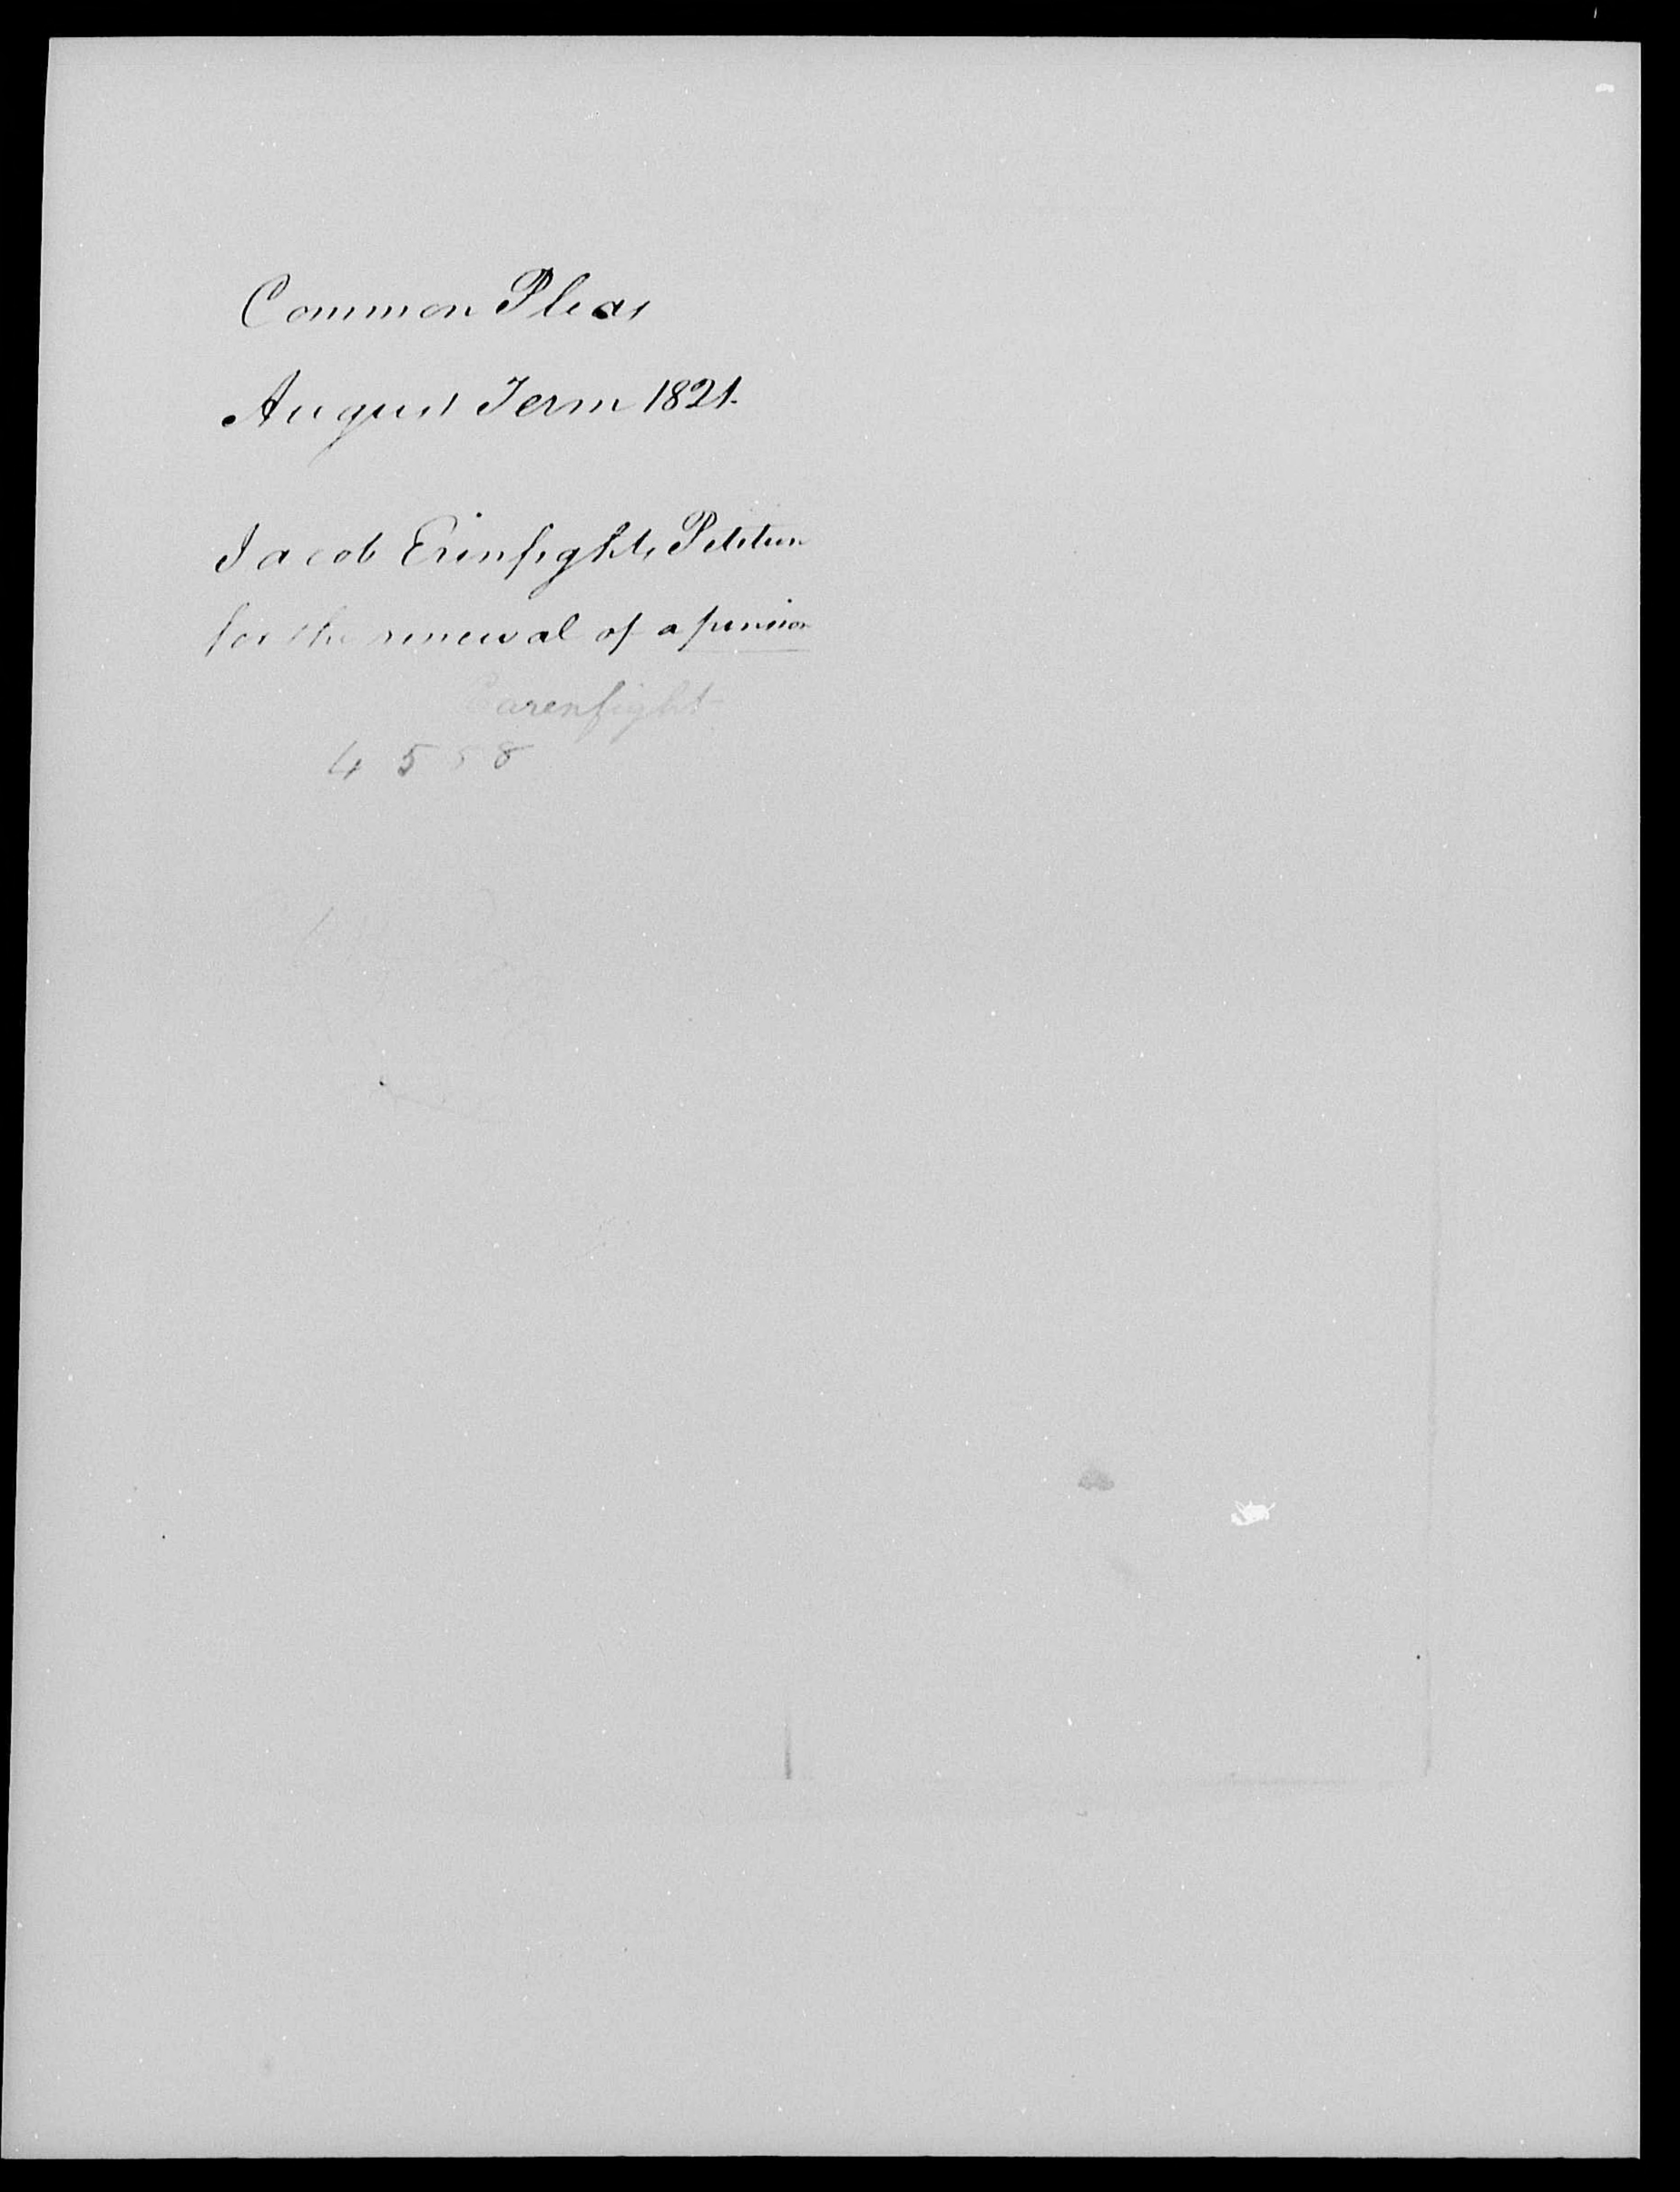Common Pleas  August Term 1821
Jacob Erinfights petition for the renewal of a pension
   Earenfight  4558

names: Earenfight, Jacob Earenfight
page: 6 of 21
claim: survivor's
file: S. 42691, Jacob Earenfight, Continental Ohio Residence And Agency